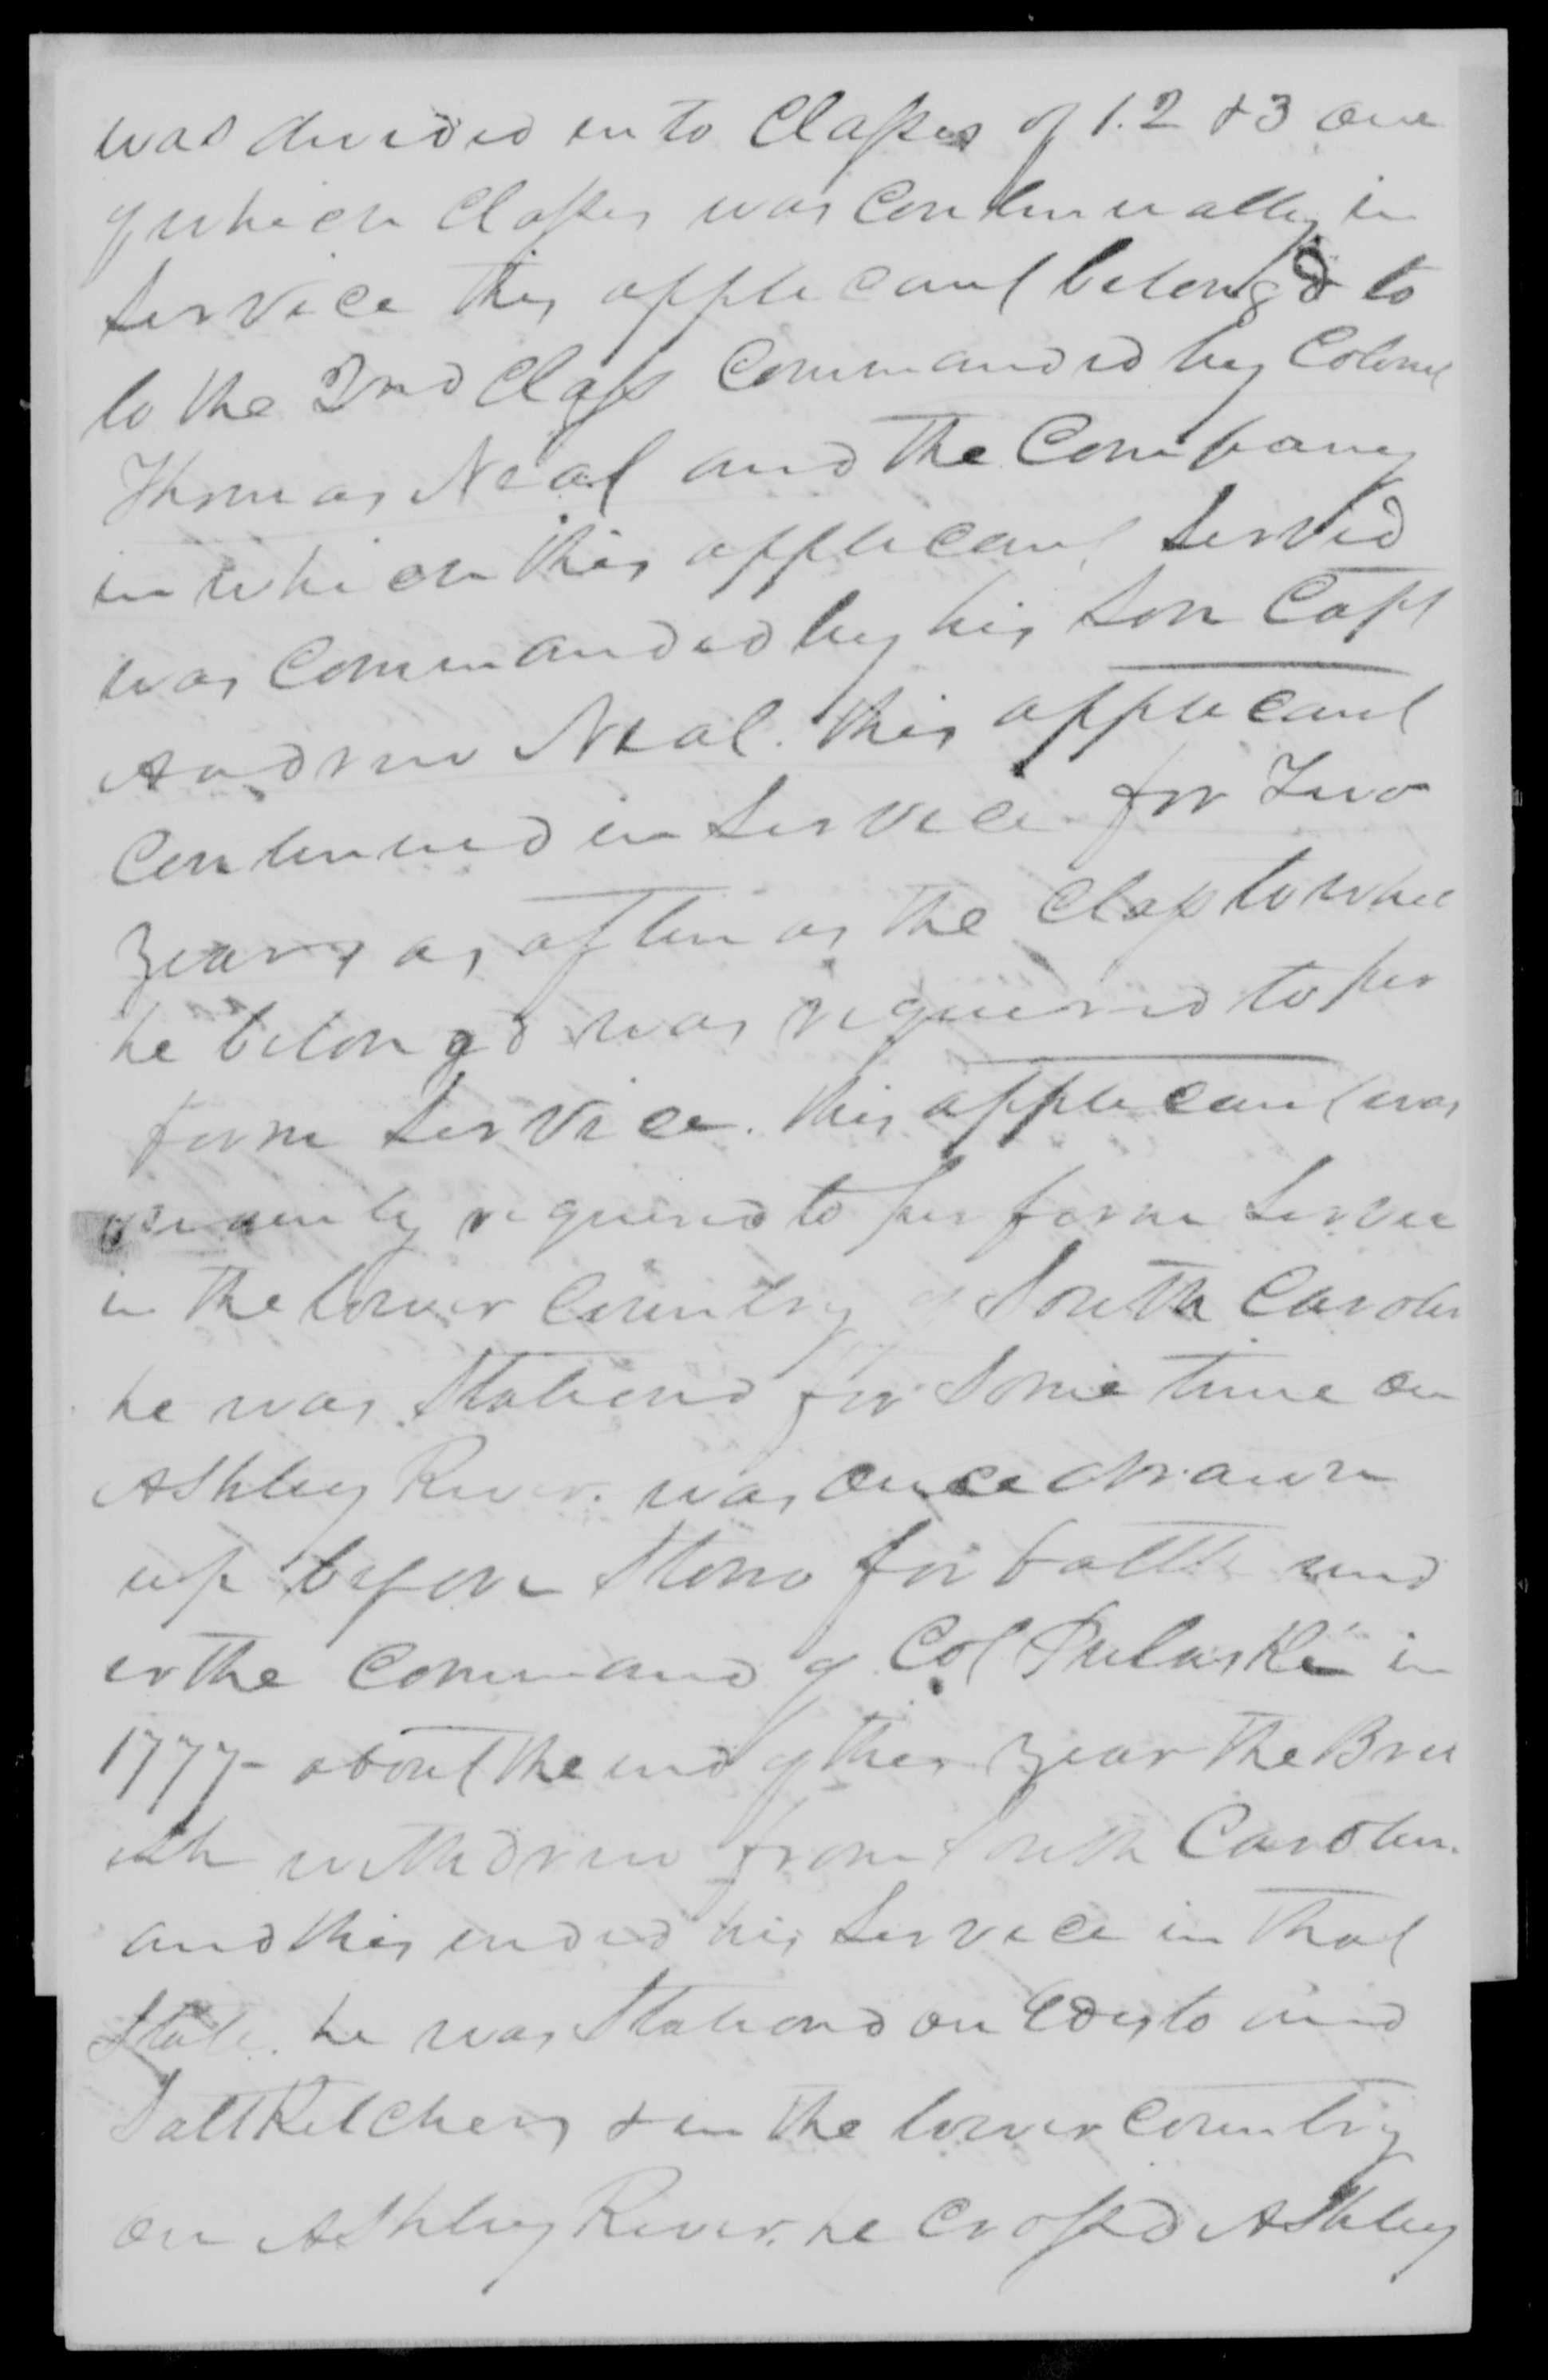was divided into classes of 12 & 3 one of which classes was continually in service. this applicant belonged to the 2nd Class Commanded by Colonel
Thomas Neal and the Company
in which this applicant served
was commanded by his son Capt
Andrew Neal. this applicant
continued in service for Two years as often as the Clerk to the
[this section confused] applicant was only required to perform service in the lower Country South Carolina. he was stationed for some time on Ashley River was once drawn up before Stono for battle and in the command of Col Pulaski in 1777- about the end of that year the British withdrew from South Carolina and this ended his service in that State. he was stationed on Edisto  and Salkehatchie & in the lower country on Ashley River, he crossed Ashley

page: 8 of 16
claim: rejected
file: R. 10561, for William Thompson, South Carolina